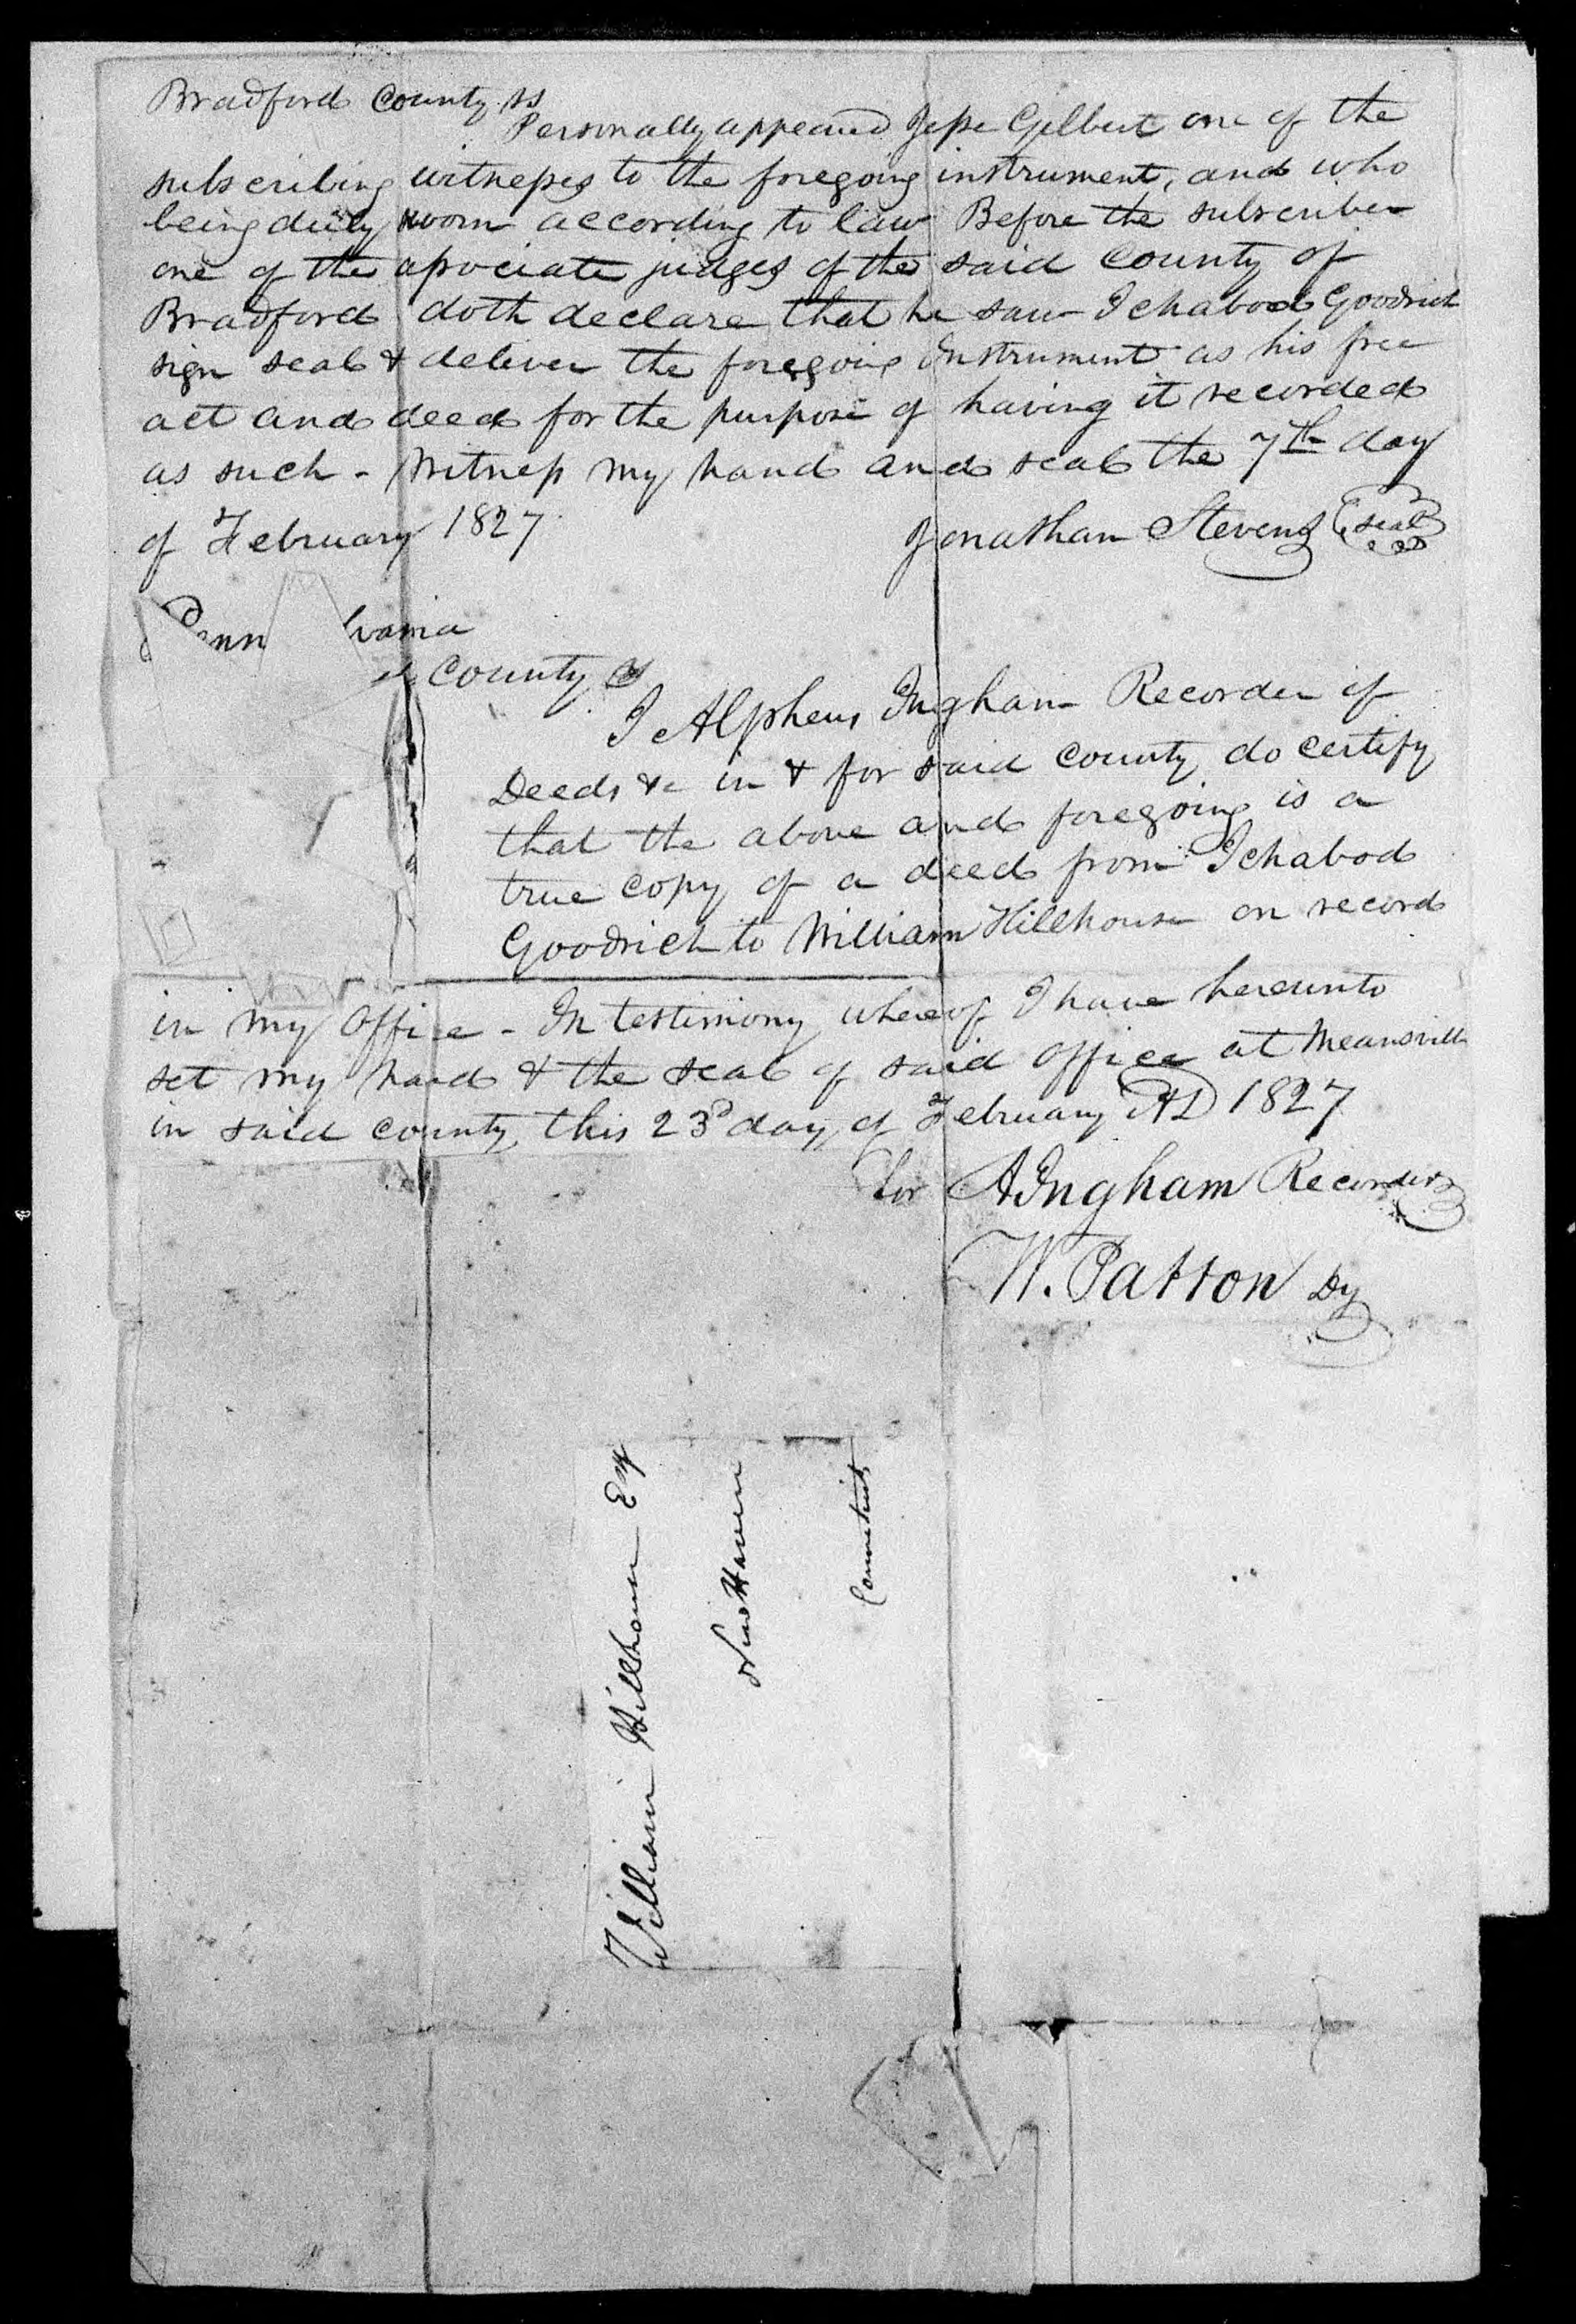Bradford County Ss
Personally appeared Jesse Gilbert one of the subscribing witnesses to the foregoing instrument, and who being duly sworn according to law before the subscriber one of the associate judges of the said county of Bradford doth declare that he saw Ichabod Goodrich sign seal & deliver the foregoing instrument as his free act and deed for the purpose of having it recorded as such. Witness my hand and seal the 7th day of February 1827.

Jonathan Stevens {Seal}

Pennsylvania
{covered up] County Ss
I alpheus Ingham Recorder of deeds &c in & for said county do certify that the above and foregoing is a true copy of a deed from Ichabod Goodrich to William Hillhouse on record in my office. In testimony whereof I have hereunto set my hand & the seal of said office at Meansville in said county, this 23rd day of February AD 1827
A. Ingham recorder
W. Patton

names: Jonathan Stevens, Ichabod Goodrich, William Hillhouse, W Patton, William Hillhouse, A Ingham, Ichabod Goodrich, Jesse Gilbert, Alpheus Ingham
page: 46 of 46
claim: survivor's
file: S. 36,556, Ichabod Goodrich, Conn.